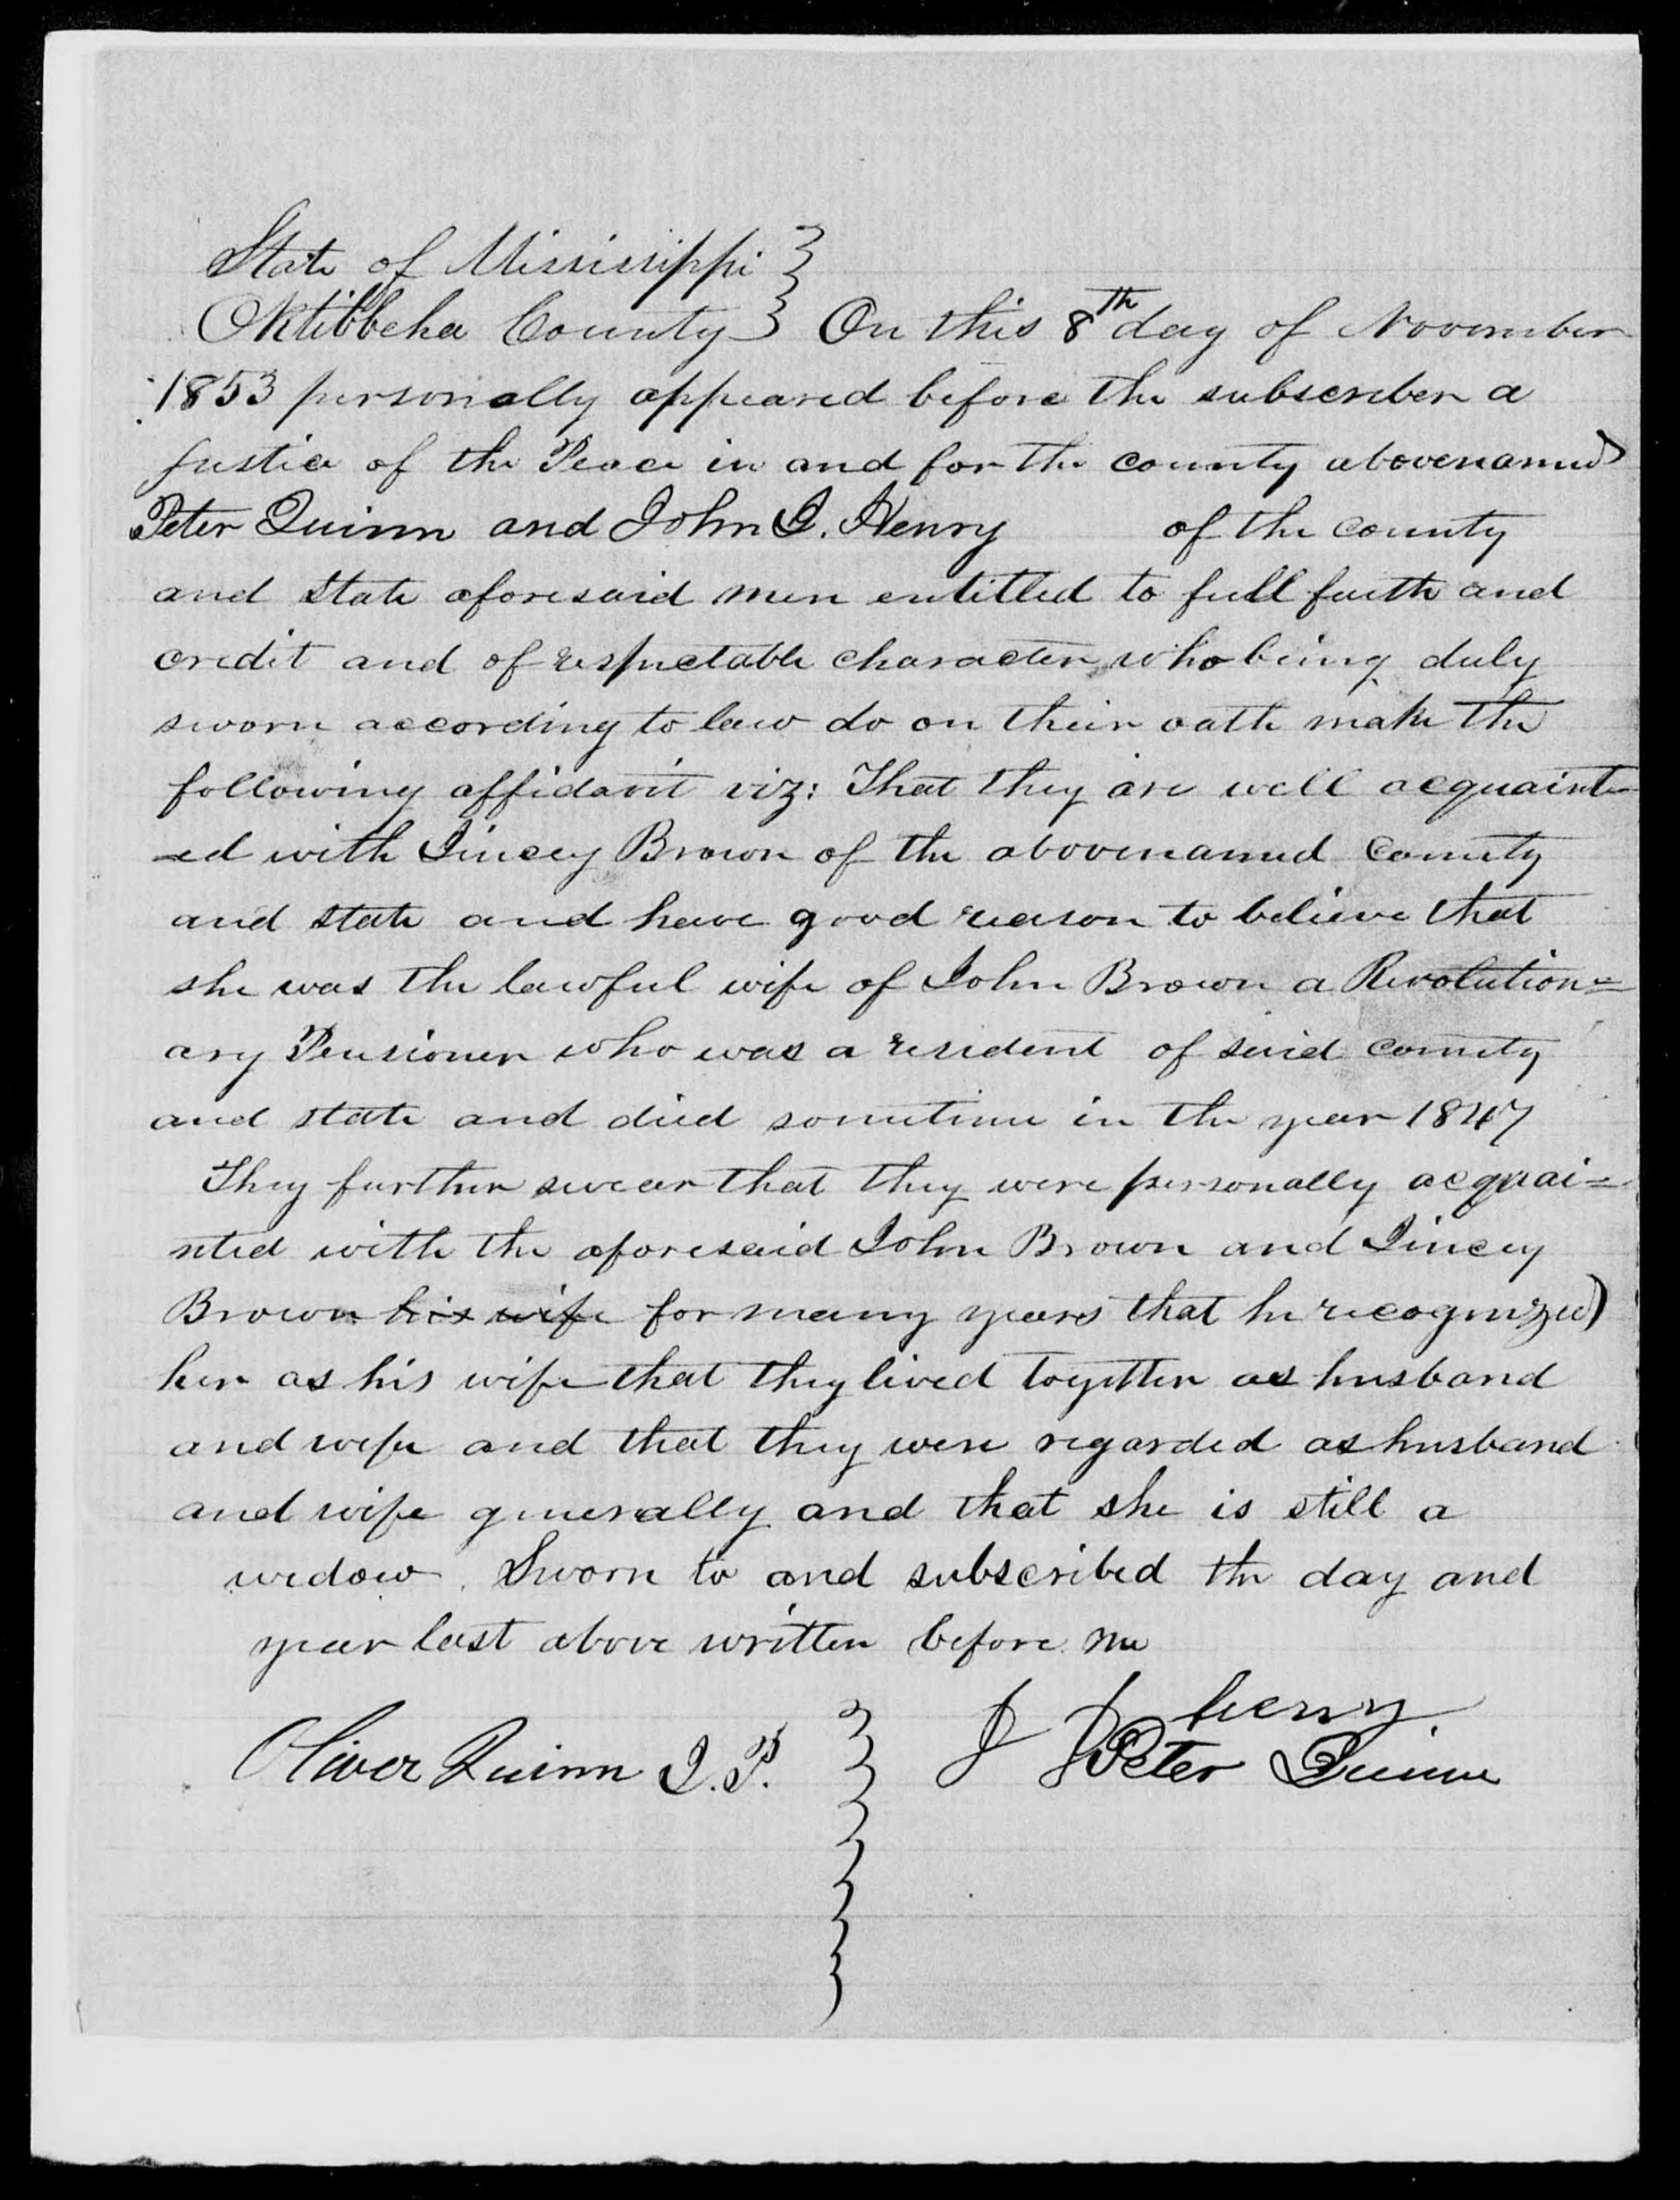State of Mississippi
Oktibbeha County 
 On this 8th day of November 1853 personally appeared before the subscriber a Justice of the Peace in and for the County above named
Peter Quinn and John J. Henry
of the County and State aforesaid men entitled to full faith and credit and of respectable character, who being duly sworn according to law do on their oath make the following affidavit viz: That they are well acquainted with Jincey Brown of the above named County and state and have good reason to believe that she was the lawful wife of John Brown a Revolutionary Pensioner who was a resident of said County and state and died sometime in the year 1847 They further swear that they were personally acquainted with the aforesaid John Brown and Jincey Brown his wife for many years that he recognized her as his wife that they lived together as husband and wife and that they were regarded as husband and wife generally and that she is still a widow. Sworn to and subscribed the day and year last above written before me
Oliver Quinn J.P.
J.J. Henry
Peter Quinn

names: Jincey Brown, Jincey Brown, Peter Quinn, John Brown, Peter Quinn, John Brown, John I Henry, Oliver Quinn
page: 70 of 85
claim: widow's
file: W. 5,906, John Brown, S.C.